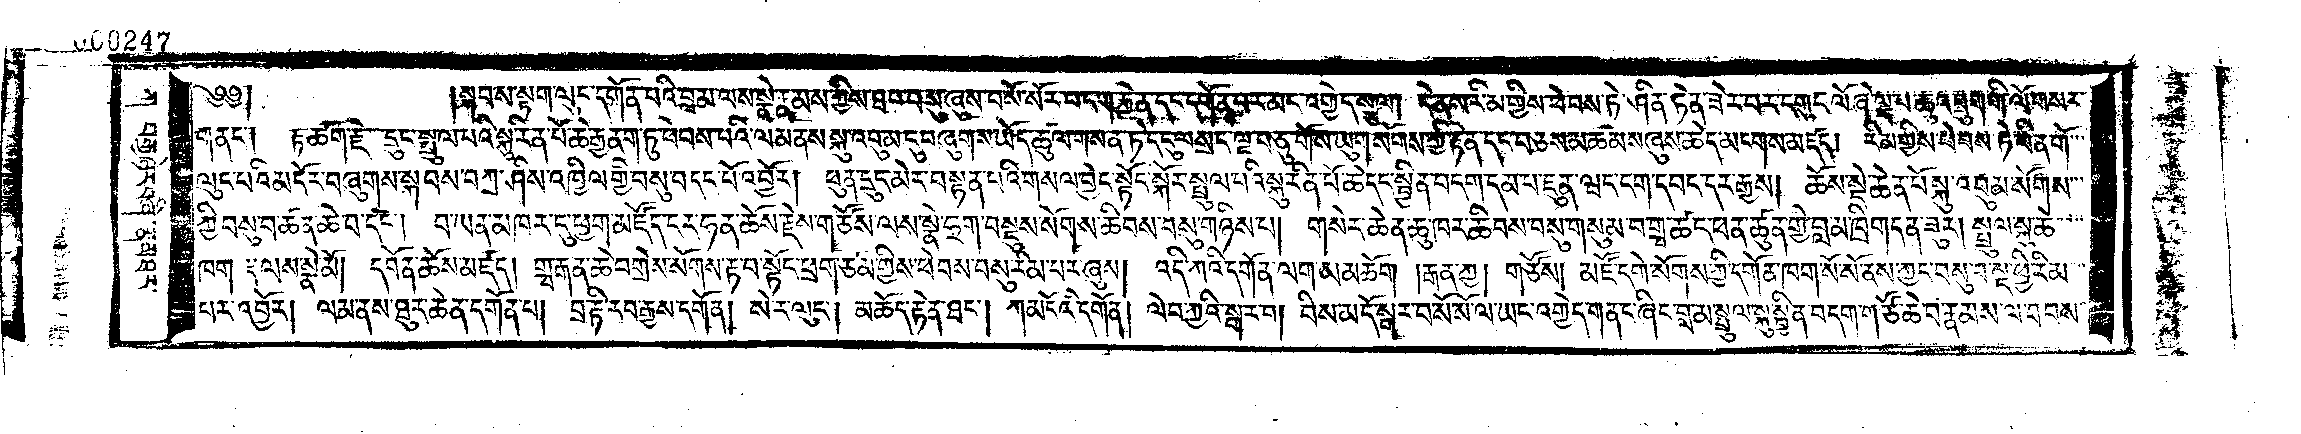༄༅། །སྐབས་སྟག་ལུང་དགོན་པའི་བླ་མ་ལས་སྣེ་རྣམས་ཀྱིས་ཐབ་བསུ་ཞུས་པ་སོ་སོར་བདག་རྐྱེན་དང་དགོན་པར་མང་འགྱེད་སྩལ། དེ་ནས་རིམ་གྱིས་ཕེབས་ཏེ་ཤིན་ཏེན་ཟེར་བར་དགུང་ལོ་ཞེ་ལྔ་པ་ཆུ་འབྲུག་གི་ལོ་གསར་
གནང་། རྟ་ཚག་རྗེ་དྲུང་སྤྲུལ་པའི་སྐུ་རིན་པོ་ཆེ་རྒྱ་ནག་ཏུ་ཕེབས་པའི་ལམ་ནས་སྐུ་འབུམ་དུ་བཞུགས་ཡོད་ཚུལ་གསན་ཏེ་དངུལ་སྲང་ལྔ་བཅུ་གོས་ཡུག་སོགས་ཀྱི་རྟེན་དང་བཅས་མཚམས་ཞུས་ཆེད་མངགས་མཛད། རིམ་གྱིས་ཕེབས་ཏེ་བིན་གོ་
ལུང་པའི་མདོར་བཞུགས་སྐབས་བཀྲ་ཤིས་འཁྱིལ་གྱི་བསུ་བ་དང་པོ་འབྱོར། ཕུན་དྲུང་ཡེར་བསྟན་པའི་གསལ་བྱེད་སྟོང་སྐོར་སྤྲུལ་པའི་སྐུ་རིན་པོ་ཆེ་དང་སྦྱིན་བདག་དམ་པ་ཇུན་ཝང་ངག་དབང་དར་རྒྱས། ཆོས་སྡེ་ཆེན་པོ་སྐུ་འབུམ་སོགས་
ཀྱི་བསུ་བ་ཚན་ཆེ་བ་དང་། བ་ཡན་མཁར་དུ་ཕྱག་མཛོད་དར་ཧན་ཆོས་རྗེས་གཙོས་ལས་སྣེ་ཧྲག་བསྡུས་སོགས་ཆིབས་བསུ་གཉིས་པ། གསེར་ཆེན་ཆུ་ཁར་ཆིབས་བསུ་གསུམ་པ་གྲྭ་ཚང་ཕན་ཚུན་གྱི་བླ་མ་ཁྲི་གདན་ཟུར། སྤྲུལ་སྐུ་ཆེ་
ཁག ༑ལས་སྣེ་མོ། དབོན་ཆོས་མཛད། གྲྭ་རྒན་ཆེ་བགྲེས་སོགས་རྟ་པ་སྟོང་ཕྲག་ཙམ་གྱིས་ཕེབས་བསུ་རིམ་པར་ཞུས། འདི་ཀའི་དགོན་ལག་ཨ་མཆོག །རྒན་ཀྱ། གཙོས། མཛོ་དགེ་སོགས་ཀྱི་དགོན་ཁག་སོ་སོ་ནས་ཀྱང་བསུ་བ་སྔ་ཕྱི་རིམ་
པར་འབྱོར། ལམ་ནས་ཐུར་ཆེན་དགོན་པ། བྲ་རྟི་རབ་རྒྱས་དགོན། སེར་ལུང་། མཆོད་རྟེན་ཐང་། ཀ་མངོའི་དགོན། ལེབ་ཀྱའི་སྒར་བ། བིས་མདོ་སྐར་བསོ་སོ་ལ་ཡང་འགྱེད་གནང་ཞིང་བླ་མ་སྤྲུལ་སྐུ་སྦྱིན་བདག་གཙོ་ཆེ་བ་རྣམས་ལ་བབས་